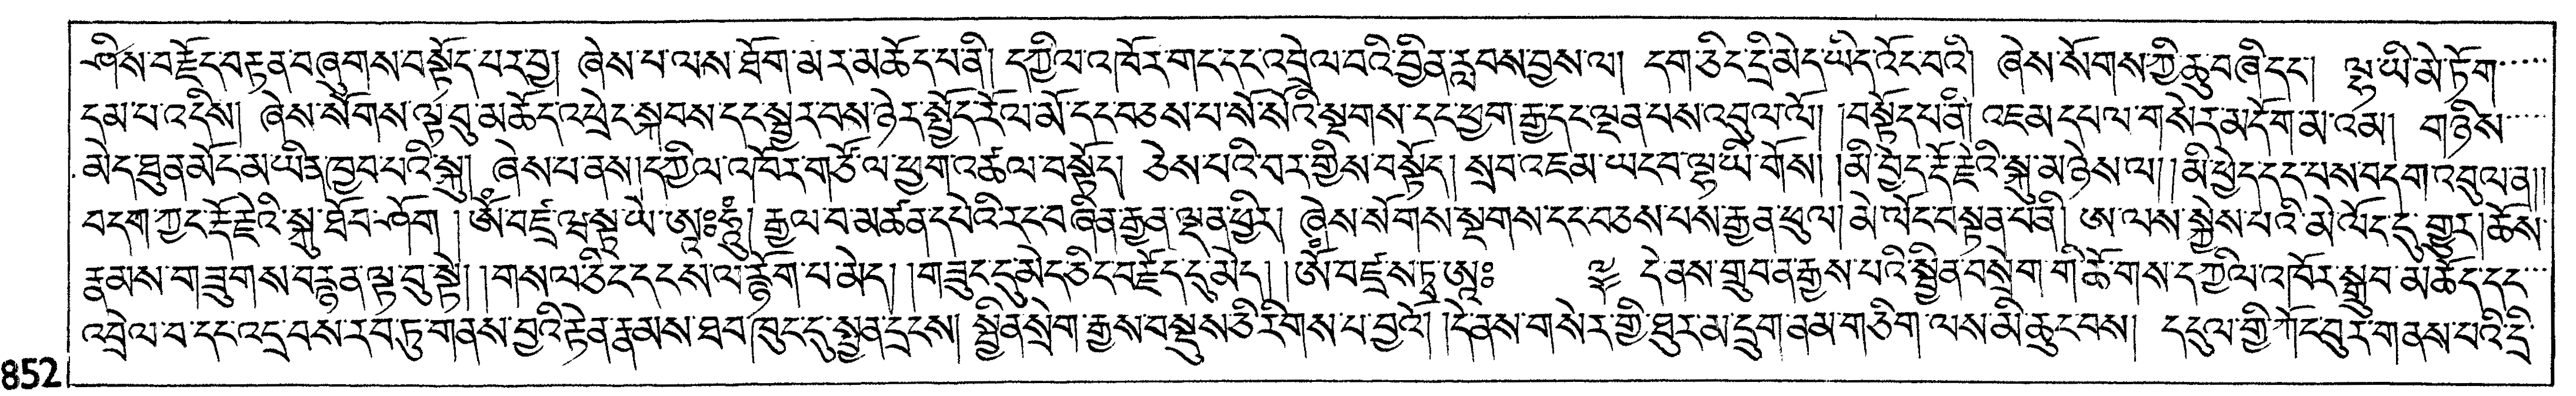ཤིས་བརྗོད་བརྟན་བཞུགས་བསྟོད་པར་བྱ། ཞེས་པ་ལས་ཐོག་མར་མཆོད་པ་ནི། དཀྱིལ་འཁོར་གང་དང་འབྲེལ་བའི་བྱིན་རླབས་བྱས་ལ། དག་ཅིང་དྲི་མེད་ཡིད་འོང་བའི། ཞེས་སོགས་ཀྱི་ཆུ་བཞི་དང་། ལྷ་ཡི་མེ་ཏོག་
དམ་པ་འདིས། ཞེས་སོགས་ལྟ་བུ་མཆོད་འཕྲེང་སྐབས་དང་སྦྱར་བས་ཉེར་སྤྱོད་རོལ་མོ་དང་བཅས་པ་སོ་སོའི་སྔགས་དང་ཕྱག་རྒྱ་དང་ལྡན་པས་འབུལ་ལོ། །བསྟོད་པ་ནི། འཇམ་དཔལ་གསེར་མདོག་མ་འམ། གཉིས་
མེད་ཐུན་མོང་མ་ཡིན་ཁྱབ་པའི་སྐུ། ཞེས་པ་ནས། དཀྱིལ་འཁོར་གཙོ་ལ་ཕྱག་འཚལ་བསྟོད། ཅེས་པའི་བར་གྱིས་བསྟོད། སྲབ་འཇམ་ཡང་བ་ལྷ་ཡི་གོས། །མི་བྱེད་རྡོ་རྗེའི་སྐུ་མཉེས་ལ། །མི་ཕྱེད་དད་པས་བདག་འབུལ་ན། །
བདག་ཀྱང་རྡོ་རྗེའི་སྐུ་ཐོབ་ཤོག །ཨོཾ་བཛྲ་ཝསྟྲ་ཡེ་ཨཱཿ ཧཱུཾ། རྒྱལ་བ་མཚན་དཔེའི་རང་བཞིན་རྒྱན་ལྡན་ཕྱིར། ཞེས་སོགས་སྔགས་དང་བཅས་པས་རྒྱན་ཕུལ། མེ་ལོང་བསྟན་པ་ནི། ཨ་ལས་སྐྱེས་པའི་མེ་ལོང་དུ་གྱུར། ཆོས་
རྣམས་གཟུགས་བརྙན་ལྟ་བུ་སྟེ། །གསལ་ཅིང་དངས་ལ་རྙོག་པ་མེད། །གཟུང་དུ་མེད་ཅིང་བརྗོད་དུ་མེད། །ཨོཾ་བཛྲ་ས་ཏྭ་ཨཱཿ ༈ དེ་ནས་གྲུབ་ན་རྒྱས་པའི་སྦྱིན་བསྲེག་གི་ཆོ་གས་དཀྱིལ་འཁོར་སྒྲུབ་མཆོད་དང་
འབྲེལ་བ་དང་འདྲ་བས་རབ་ཏུ་གནས་བྱའི་རྟེན་རྣམས་ཐབ་ཁུང་དུ་སྤྱན་དྲངས། སྦྱིན་སྲེག་རྒྱས་བསྡུས་ཅི་རིགས་པ་བྱའོ། །དེ་ནས་གསེར་གྱི་ཐུར་མ་དྲུག་ནམ་གཅིག་ལས་མི་ཆུང་བས། དངུལ་གྱི་ཀོང་བུར་གནས་པའི་དྲི་